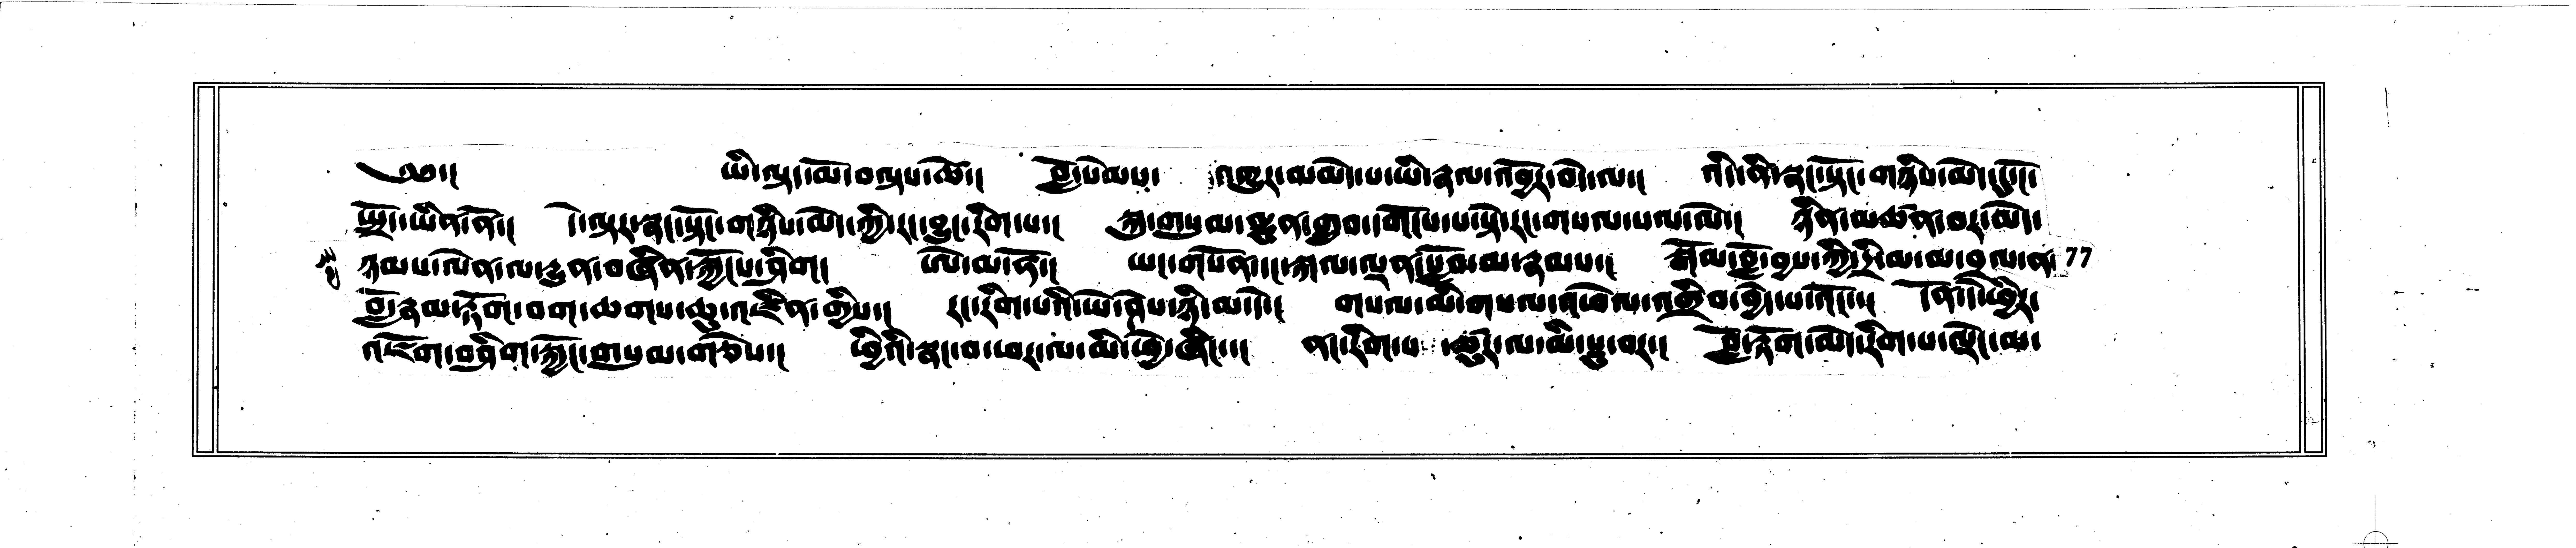ཡི་ལྟད་མོ་བལྟས་ཚེ། །བློ་སེམས་འགྱུར་བ་མེད་པ་ཡི་རྣལ་འབྱོར་བདེ་ལ། །འདི་ནི་སྣང་སྟོང་གཉིས་མེད་དུ་ངོ་
སྤྲོད་ཡིན་ནོ། །དེ་ལྟར་སྣང་སྟོང་གཉིས་མེད་ཀྱི་རང་འབྱུང་རིག་པ། །སྐུ་གསུམ་ལྷུན་གྲུབ་དགོངས་པ་སྟེ་རང་གསལ་སལ་ལེ། །ཉིན་མཚན་བར་མེད་
ཉམས་ལེན་ལ་རྒྱུན་བཞིན་སྐྱོངས་ཤིག །ཨེ་མ་ཧོ། ཡང་གསོན་དང་སྐལ་ལྡན་སློབ་མ་རྣམས། །སྒོམ་བློ་བྱས་ཀྱི་དྲི་མ་མན་བྲལ་ན། །
བློ་རྣམ་རྟོག་བག་ཆགས་ཆུ་འཛིན་གྱིས། །རང་རིག་པའི་ཡེ་ཤེས་ཉི་མ་དེ། །གསལ་མི་གསལ་འཕེལ་འགྲིབ་བྱེད་པ་འོང་། །དོན་དེ་ཕྱིར་
འཇོག་བཤིག་སྐྱོང་གསུམ་གཅེས། །ཕྱིའི་སྣང་བ་ཕར་ལ་མི་ཕྱེ་ཞིང་། །ནང་རིག་པ་ཚུར་ལ་མི་བསྡུ་བར། །བློ་རྟོག་མེད་རིག་པ་ལྡེང་མ་